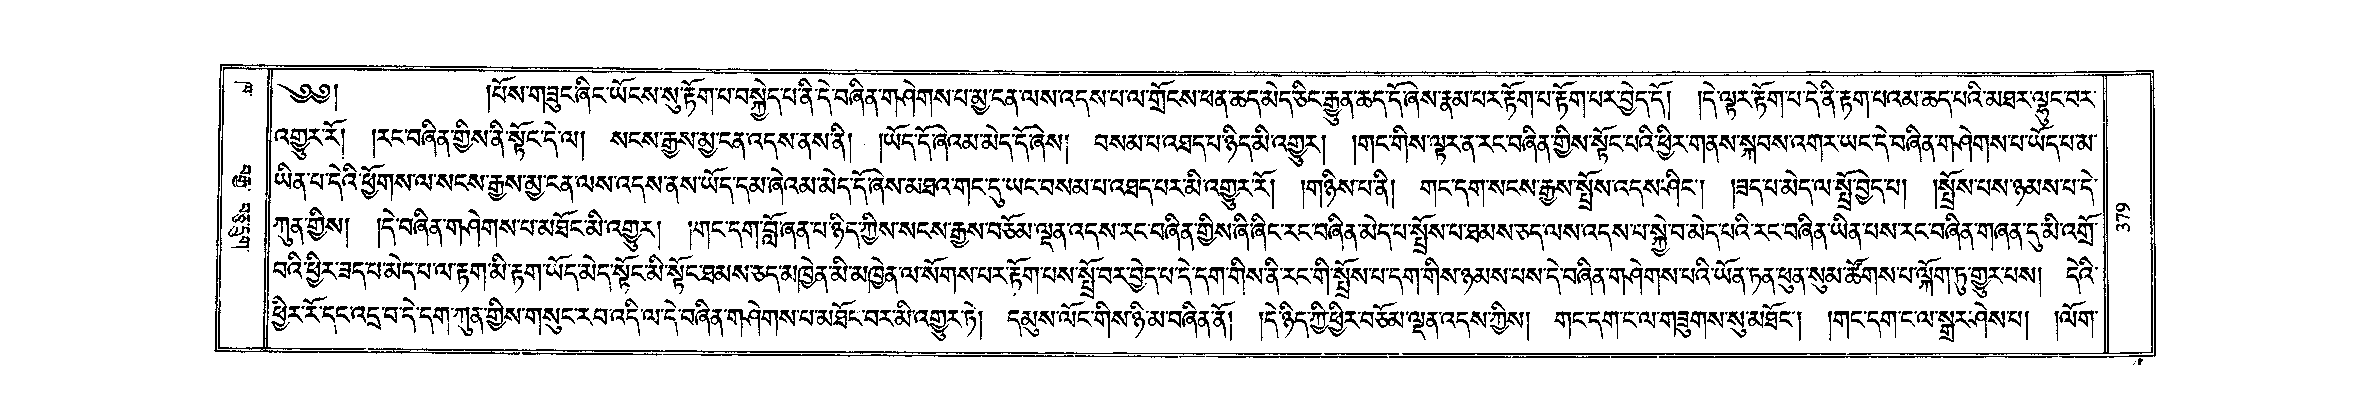༄༅། །པོས་གཟུང་ཞིང་ཡོངས་སུ་རྟོག་པ་བསྐྱེད་པ་ནི་དེ་བཞིན་གཤེགས་པ་མྱ་ངན་ལས་འདས་པ་ལ་གྲོངས་ཕན་ཆད་མེད་ཅིང་རྒྱུན་ཆད་དོ་ཞེས་རྣམ་པར་རྟོག་པ་རྟོག་པར་བྱེད་དོ། །དེ་ལྟར་རྟོག་པ་དེ་ནི་རྟག་པའམ་ཆད་པའི་མཐར་ལྷུང་བར་
འགྱུར་རོ། །རང་བཞིན་གྱིས་ནི་སྟོང་དེ་ལ། སངས་རྒྱས་མྱ་ངན་འདས་ནས་ནི། །ཡོད་དོ་ཞེའམ་མེད་དོ་ཞེས། བསམ་པ་འཐད་པ་ཉིད་མི་འགྱུར། །གང་གིས་ལྟར་ན་རང་བཞིན་གྱིས་སྟོང་པའི་ཕྱིར་གནས་སྐབས་འགར་ཡང་དེ་བཞིན་གཤེགས་པ་ཡོད་པ་མ་
ཡིན་པ་དེའི་ཕྱོགས་ལ་སངས་རྒྱས་མྱ་ངན་ལས་འདས་ནས་ཡོད་དམ་ཞེའམ་མེད་དོ་ཞེས་མཐའ་གང་དུ་ཡང་བསམ་པ་འཐད་པར་མི་འགྱུར་རོ། །གཉིས་པ་ནི། གང་དག་སངས་རྒྱས་སྤྲོས་འདས་ཤིང་། །ཟད་པ་མེད་ལ་སྤྲོ་བྱེད་པ། །སྤྲོས་པས་ཉམས་པ་དེ་
ཀུན་གྱིས། །དེ་བཞིན་གཤེགས་པ་མཐོང་མི་འགྱུར། །གང་དག་བློ་ཞན་པ་ཉིད་ཀྱིས་སངས་རྒྱས་བཅོམ་ལྡན་འདས་རང་བཞིན་གྱིས་ཞི་ཞིང་རང་བཞིན་མེད་པ་སྤྲོས་པ་ཐམས་ཅད་ལས་འདས་པ་སྐྱེ་བ་མེད་པའི་རང་བཞིན་ཡིན་པས་རང་བཞིན་གཞན་དུ་མི་འགྲོ་
བའི་ཕྱིར་ཟད་པ་མེད་པ་ལ་རྟག་མི་རྟག་ཡོད་མེད་སྟོང་མི་སྟོང་ཐམས་ཅད་མཁྱེན་མི་མཁྱེན་ལ་སོགས་པར་རྟོག་པས་སྤྲོ་བར་བྱེད་པ་དེ་དག་གིས་ནི་རང་གི་སྤྲོས་པ་དག་གིས་ཉམས་པས་དེ་བཞིན་གཤེགས་པའི་ཡོན་ཏན་ཕུན་སུམ་ཚོགས་པ་ལྐོག་ཏུ་གྱུར་པས། དེའི་
ཕྱིར་རོ་དང་འདྲ་བ་དེ་དག་ཀུན་གྱིས་གསུང་རབ་འདི་ལ་དེ་བཞིན་གཤེགས་པ་མཐོང་བར་མི་འགྱུར་ཏེ། དམུས་ལོང་གིས་ཉི་མ་བཞིན་ནོ། །དེ་ཉིད་ཀྱི་ཕྱིར་བཅོམ་ལྡན་འདས་ཀྱིས། གང་དག་ང་ལ་གཟུགས་སུ་མཐོང་། །གང་དག་ང་ལ་སྒྲར་ཤེས་པ། །ལོག་